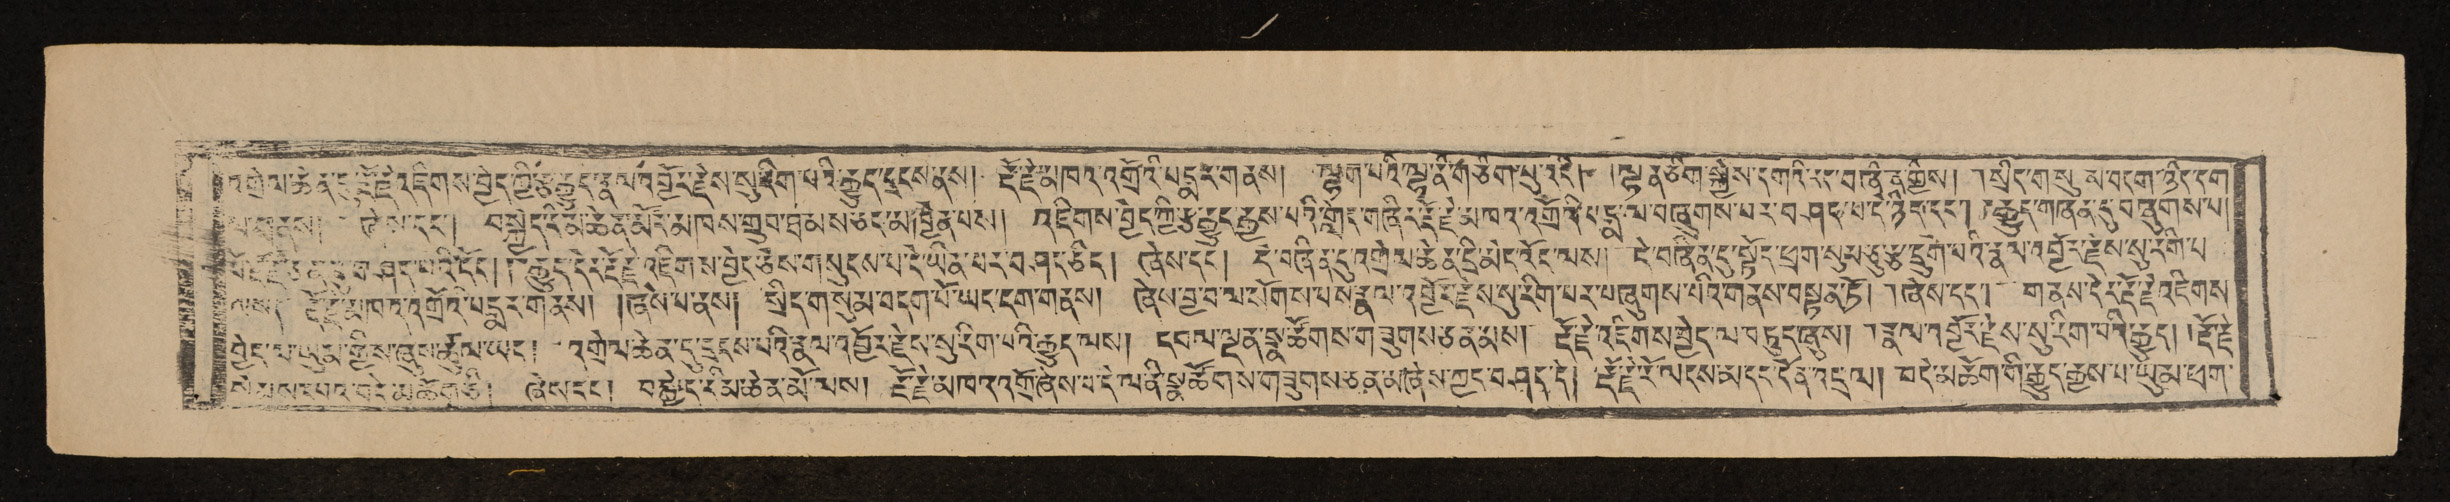འགྲེལ་ཆེན་དུ་རྡོ་རྗེ་འཇིགས་བྱེད་ཀྱི་རྩ་རྒྱུད་རྣལ་འབྱོར་རྗེས་སུ་རིག་པའི་རྒྱུད་དྲངས་ནས། རྡོ་རྗེ་མཁའ་འགྲོའི་པདམར་གནས། །ལྷག་པའི་ལྷན་གཅིག་པུ་འདི། །ལྷན་ཅིག་སྐྱེས་དགའི་རང་བཞིན་གྱིས། །སྲིད་གསུམ་བདག་ཉིད་དག་
ལ་གནས། །ཞེས་དང་། བསྐྱེད་རིམ་ཆེན་མོར་མཁས་གྲུབ་ཐམས་ཅད་མཁྱེན་པས། འཇིགས་བྱེད་ཀྱི་རྩ་རྒྱུད་རྒྱས་པའི་གླེང་གཞིར་རྡོ་རྗེ་མཁའ་འགྲོའི་པདམ་ལ་བཞུགས་པར་བཤད་པ་དེ་ཉིད་དང་། རྒྱུད་གཞན་དུ་བཞུགས་པ་
པོ་རྡོ་རྗེ་ཅན་དུ་བཤད་པའི་དོད། རྒྱུད་དེར་རྡོ་རྗེ་འཇིགས་བྱེད་ཅེས་གསུངས་པ་དེ་ཡིན་པར་བཤད་ཅིང་། ཞེས་དང་། དེ་བཞིན་དུ་འགྲེལ་ཆེན་དྲི་མེད་འོད་ལས། དེ་བཞིན་དུ་སྟོང་ཕྲག་སུམ་ཅུ་རྩ་དྲུག་པའི་རྣལ་འབྱོར་རྗེས་སུ་རིག་པ་
ལས༑ རྡོ་རྗེ་མཁའ་འགྲོའི་པདམར་གནས། །ཞེས་པ་ནས། སྲིད་གསུམ་བདག་པོ་ཡང་དག་གནས། །ཞེས་བྱ་བ་ལ་སོགས་པས་རྣལ་འབྱོར་རྗེས་སུ་རིག་པར་བཞུགས་པའི་གནས་བསྟན་ཏོ། །ཞེས་དང་། གནས་དེར་རྡོ་རྗེ་འཇིགས་
བྱེད་ལ་ཡུམ་གྱིས་ཞུས་ཚུལ་ཡང་། འགྲེལ་ཆེན་དུ་དྲངས་པའི་རྣལ་འབྱོར་རྗེས་སུ་རིག་པའི་རྒྱུད་ལས། དཔལ་ལྡན་སྣ་ཚོགས་གཟུགས་ཅན་མས། །རྡོ་རྗེ་འཇིགས་བྱེད་ལ་བཏུད་ཞུས། །རྣལ་འབྱོར་རྗེས་སུ་རིག་པའི་རྒྱུད། །རྡོ་རྗེ་
སེམས་དཔའ་བདེ་མཆོག་ཅི། །ཞེས་དང་། བསྐྱེད་རིམ་ཆེན་མོ་ལས། རྡོ་རྗེ་མཁའ་འགྲོ་ཞེས་པ་དེ་ལ་ནི་སྣ་ཚོགས་གཟུགས་ཅན་མ་ཞེས་ཀྱང་བཤད་དེ། རྡོ་རྗེ་རོ་ལངས་མ་དང་དོན་འདྲ་ལ། བདེ་མཆོག་གི་རྒྱུད་རྒྱས་པ་ཡུམ་ཕག་